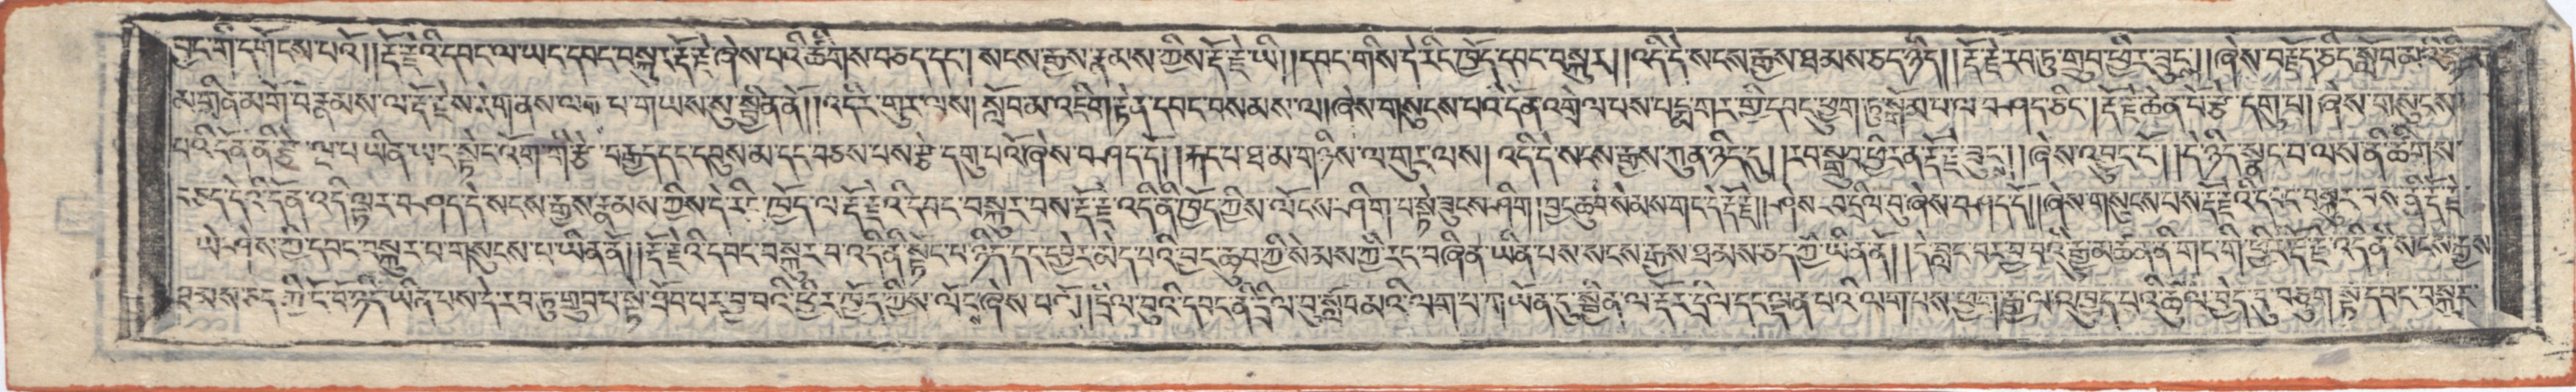བྱང་གི་དགོངས་པའོ། །རྡོ་རྗེའི་དབང་ལ་ཡང་དབང་བསྐུར་རྡོ་རྗེ་ཞེས་པའི་ཚིགས་བཅད་དང་། སངས་རྒྱས་རྣམས་ཀྱིས་རྡོ་རྗེ་ཡི། །དབང་གིས་དེ་རིང་ཁྱོད་དབང་བསྐུར། །འདི་དེ་སངས་རྒྱས་ཐམས་ཅད་ཉིད། །རྡོ་རྗེ་རབ་ཏུ་གྲུབ་ཕྱིར་ཟུངས། །ཞེས་བརྗོད་ཅིང་སློབ་མའི་སྙིང་
མགྲིན་མགོ་བོ་རྣམས་ལ་རྡོ་རྗེས་རེག་ནས་ལག་པ་གཡས་སུ་སྦྱིན་ནོ། །འདིར་གུར་ལས། སློབ་མ་འཇིག་རྟེན་དབང་བསམས་ལ། ཞེས་གསུངས་པའི་དོན་འགྲེལ་པས་པདམ་གར་གྱི་དབང་ཕྱུག་ཏུ་སྒོམ་པ་ལ་བཤད་ཅིང་། རྡོ་རྗེ་ཆེན་པོ་རྩེ་དགུ་པ། ཞེས་གསུངས་
པའི་དོན་ནི་རྩེ་ལྔ་པ་ཡིན་ཡང་སྟེང་འོག་གི་རྩེ་བརྒྱད་དང་དབུས་མ་དང་བཅས་པས་རྩེ་དགུ་པའོ་ཞེས་བཤད་དོ། །རྐང་པ་ཐ་མ་གཉིས་ལ་གུར་ལས། འདི་དེ་སངས་རྒྱས་ཀུན་ཉིད་དུ། །རབ་སྒྲུབ་ཕྱིར་ན་རྡོ་རྗེ་ཟུངས། །ཞེས་འབྱུང་ངོ། །དེ་ཉིད་སྣང་བ་ལས་ནི་ཚིགས་
བཅད་དེའི་དོན་འདི་ལྟར་བཤད་དེ་སངས་རྒྱས་རྣམས་ཀྱིས་དེ་རིང་ཁྱོད་ལ་རྡོ་རྗེའི་དབང་བསྐུར་བས་རྡོ་རྗེ་འདི་ནི་ཁྱོད་ཀྱིས་ལོངས་ཤིག་པ་སྟེ་ཟུངས་ཤིག །བྱང་ཆུབ་སེམས་གང་དེ་རྡོ་རྗེ། །ཤེས་རབ་དྲིལ་བུ་ཞེས་བཤད་དོ། །ཞེས་གསུངས་པས་རྡོ་རྗེའི་དབང་བསྐུར་བས་ནི་རྡོ་རྗེ་
ཡེ་ཤེས་ཀྱི་དབང་བསྐུར་བ་གསུངས་པ་ཡིན་ནོ། །རྡོ་རྗེའི་དབང་བསྐུར་བ་འདི་ནི་སྟོང་པ་ཉིད་དང་དབྱེར་མེད་པའི་བྱང་ཆུབ་ཀྱི་སེམས་ཀྱི་རང་བཞིན་ཡིན་པས་སངས་རྒྱས་ཐམས་ཅད་ཀྱི་ཡིན་ནོ། །དེ་བླང་བར་བྱ་བའི་རྒྱུ་མཚན་ནི་གང་གི་ཕྱིར་རྡོ་རྗེ་འདི་ནི་སངས་རྒྱས་
ཐམས་ཅད་ཀྱི་ངོ་བོ་ཉིད་ཡིན་པས་དེ་རབ་ཏུ་གྲུབ་པ་སྟེ་ཐོབ་པར་བྱ་བའི་ཕྱིར་ཁྱོད་ཀྱིས་ལོངས་ཞེས་པའོ། །དྲིལ་བུའི་དབང་ནི་དྲིལ་བུ་སློབ་མའི་ལག་པ་གཡོན་དུ་སྦྱིན་ལ་རྡོར་དྲིལ་དང་ལྡན་པའི་ལག་པས་ཕྱག་རྒྱ་ལ་འཁྱུད་པའི་ཚུལ་བྱེད་དུ་བཅུག་སྟེ་དབང་བསྐུར་